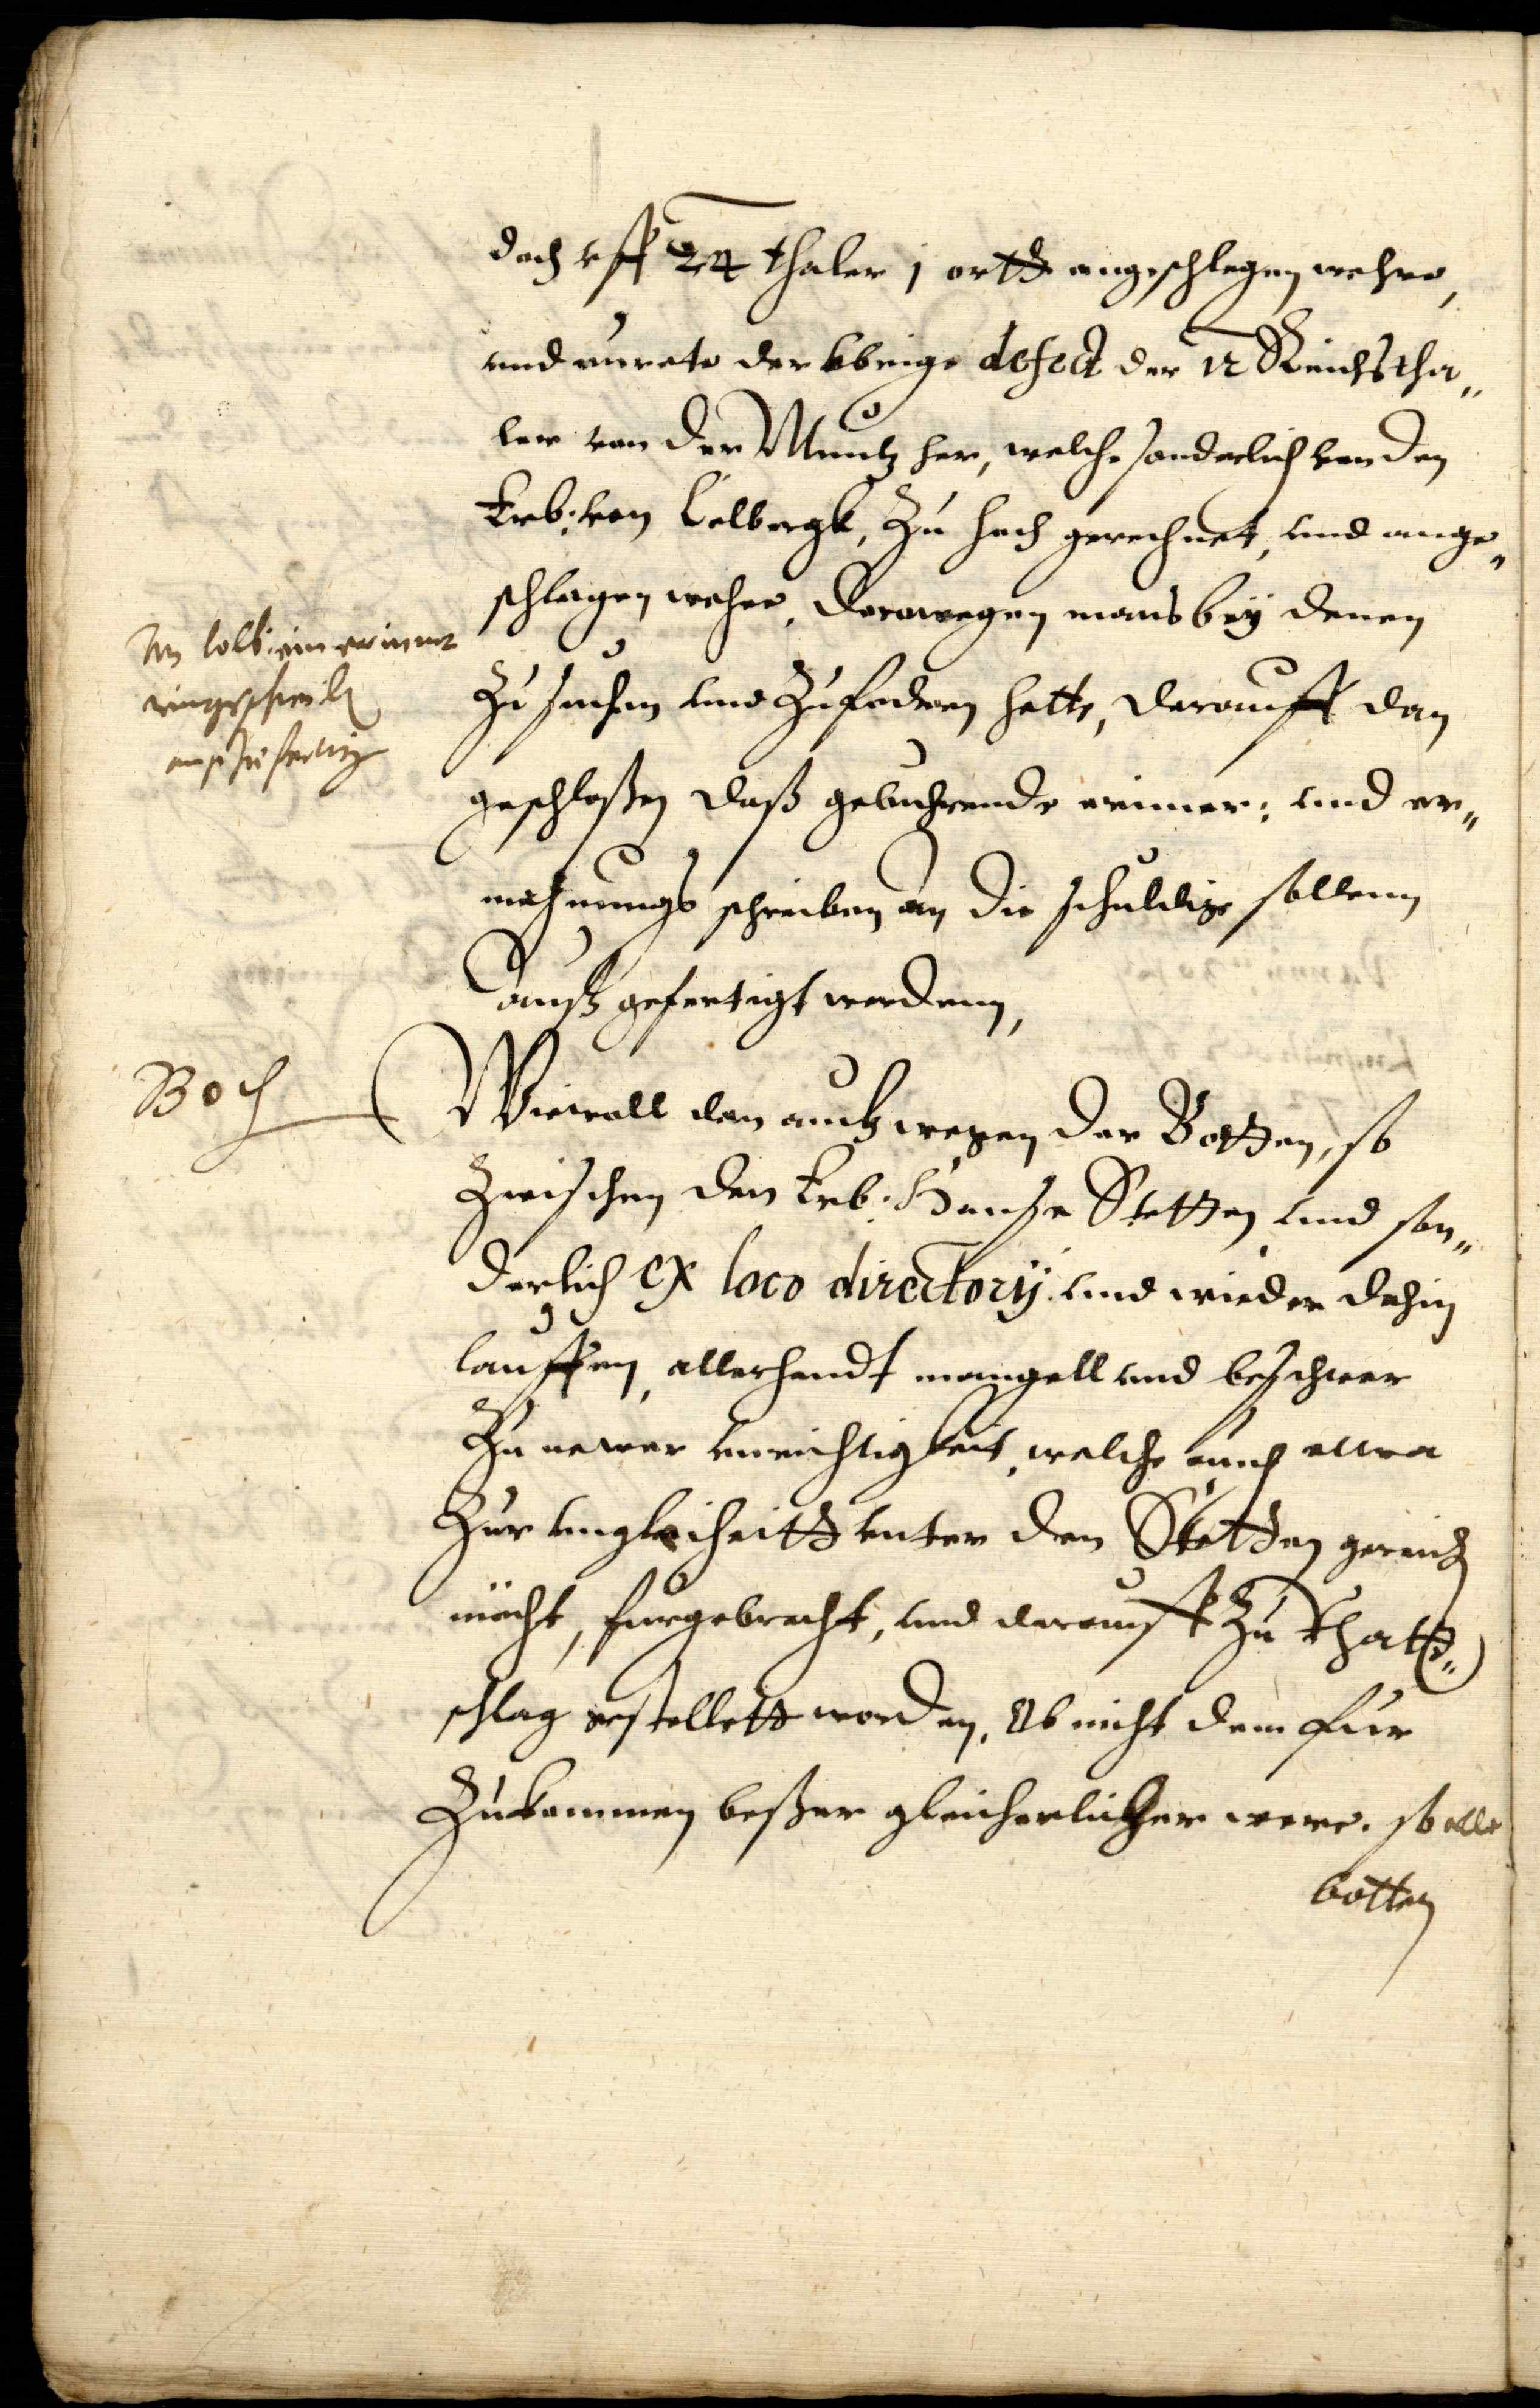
doch vff 24 thaler 1 ortt angeschlegen wehre,
vnd rurete der vbrige defect der 12 Reichstha¬
ler von der Muntz her, welche sonderlich von den
Erb: von Colbergk, zu hoch gerechnet, vnd ange¬
schlagen wehre, derowegen mans beij denen
zu suchen vnd zu fodern hette, darauff dan
geschloßen daß gebuhrende erinner: vnd er¬
mahnungs schreiben an die schuldige sollenn
Auß gefertigt werdenn,
An Colb: ein erinner
rungsschreiben
an p zufertigen
Bothen
Wiewoll dan auch wegen der Botten, so
zwischen den Erb: Hanse Stetten vnd son¬
derlich ex loco directorij vnd wieder dahin
lauffen, allerhandt mangell vnd beschwer
zu newer vnrichtigkeit, welche auch ettwa
zur vngleiheith vnter den Stetten gereichen
möcht, furgebracht, vnd darauff zu Rhath¬
schlag gestellett worden, Ob nicht dem fur
zukommen beßer gleicherlicher were, so alle
botten
